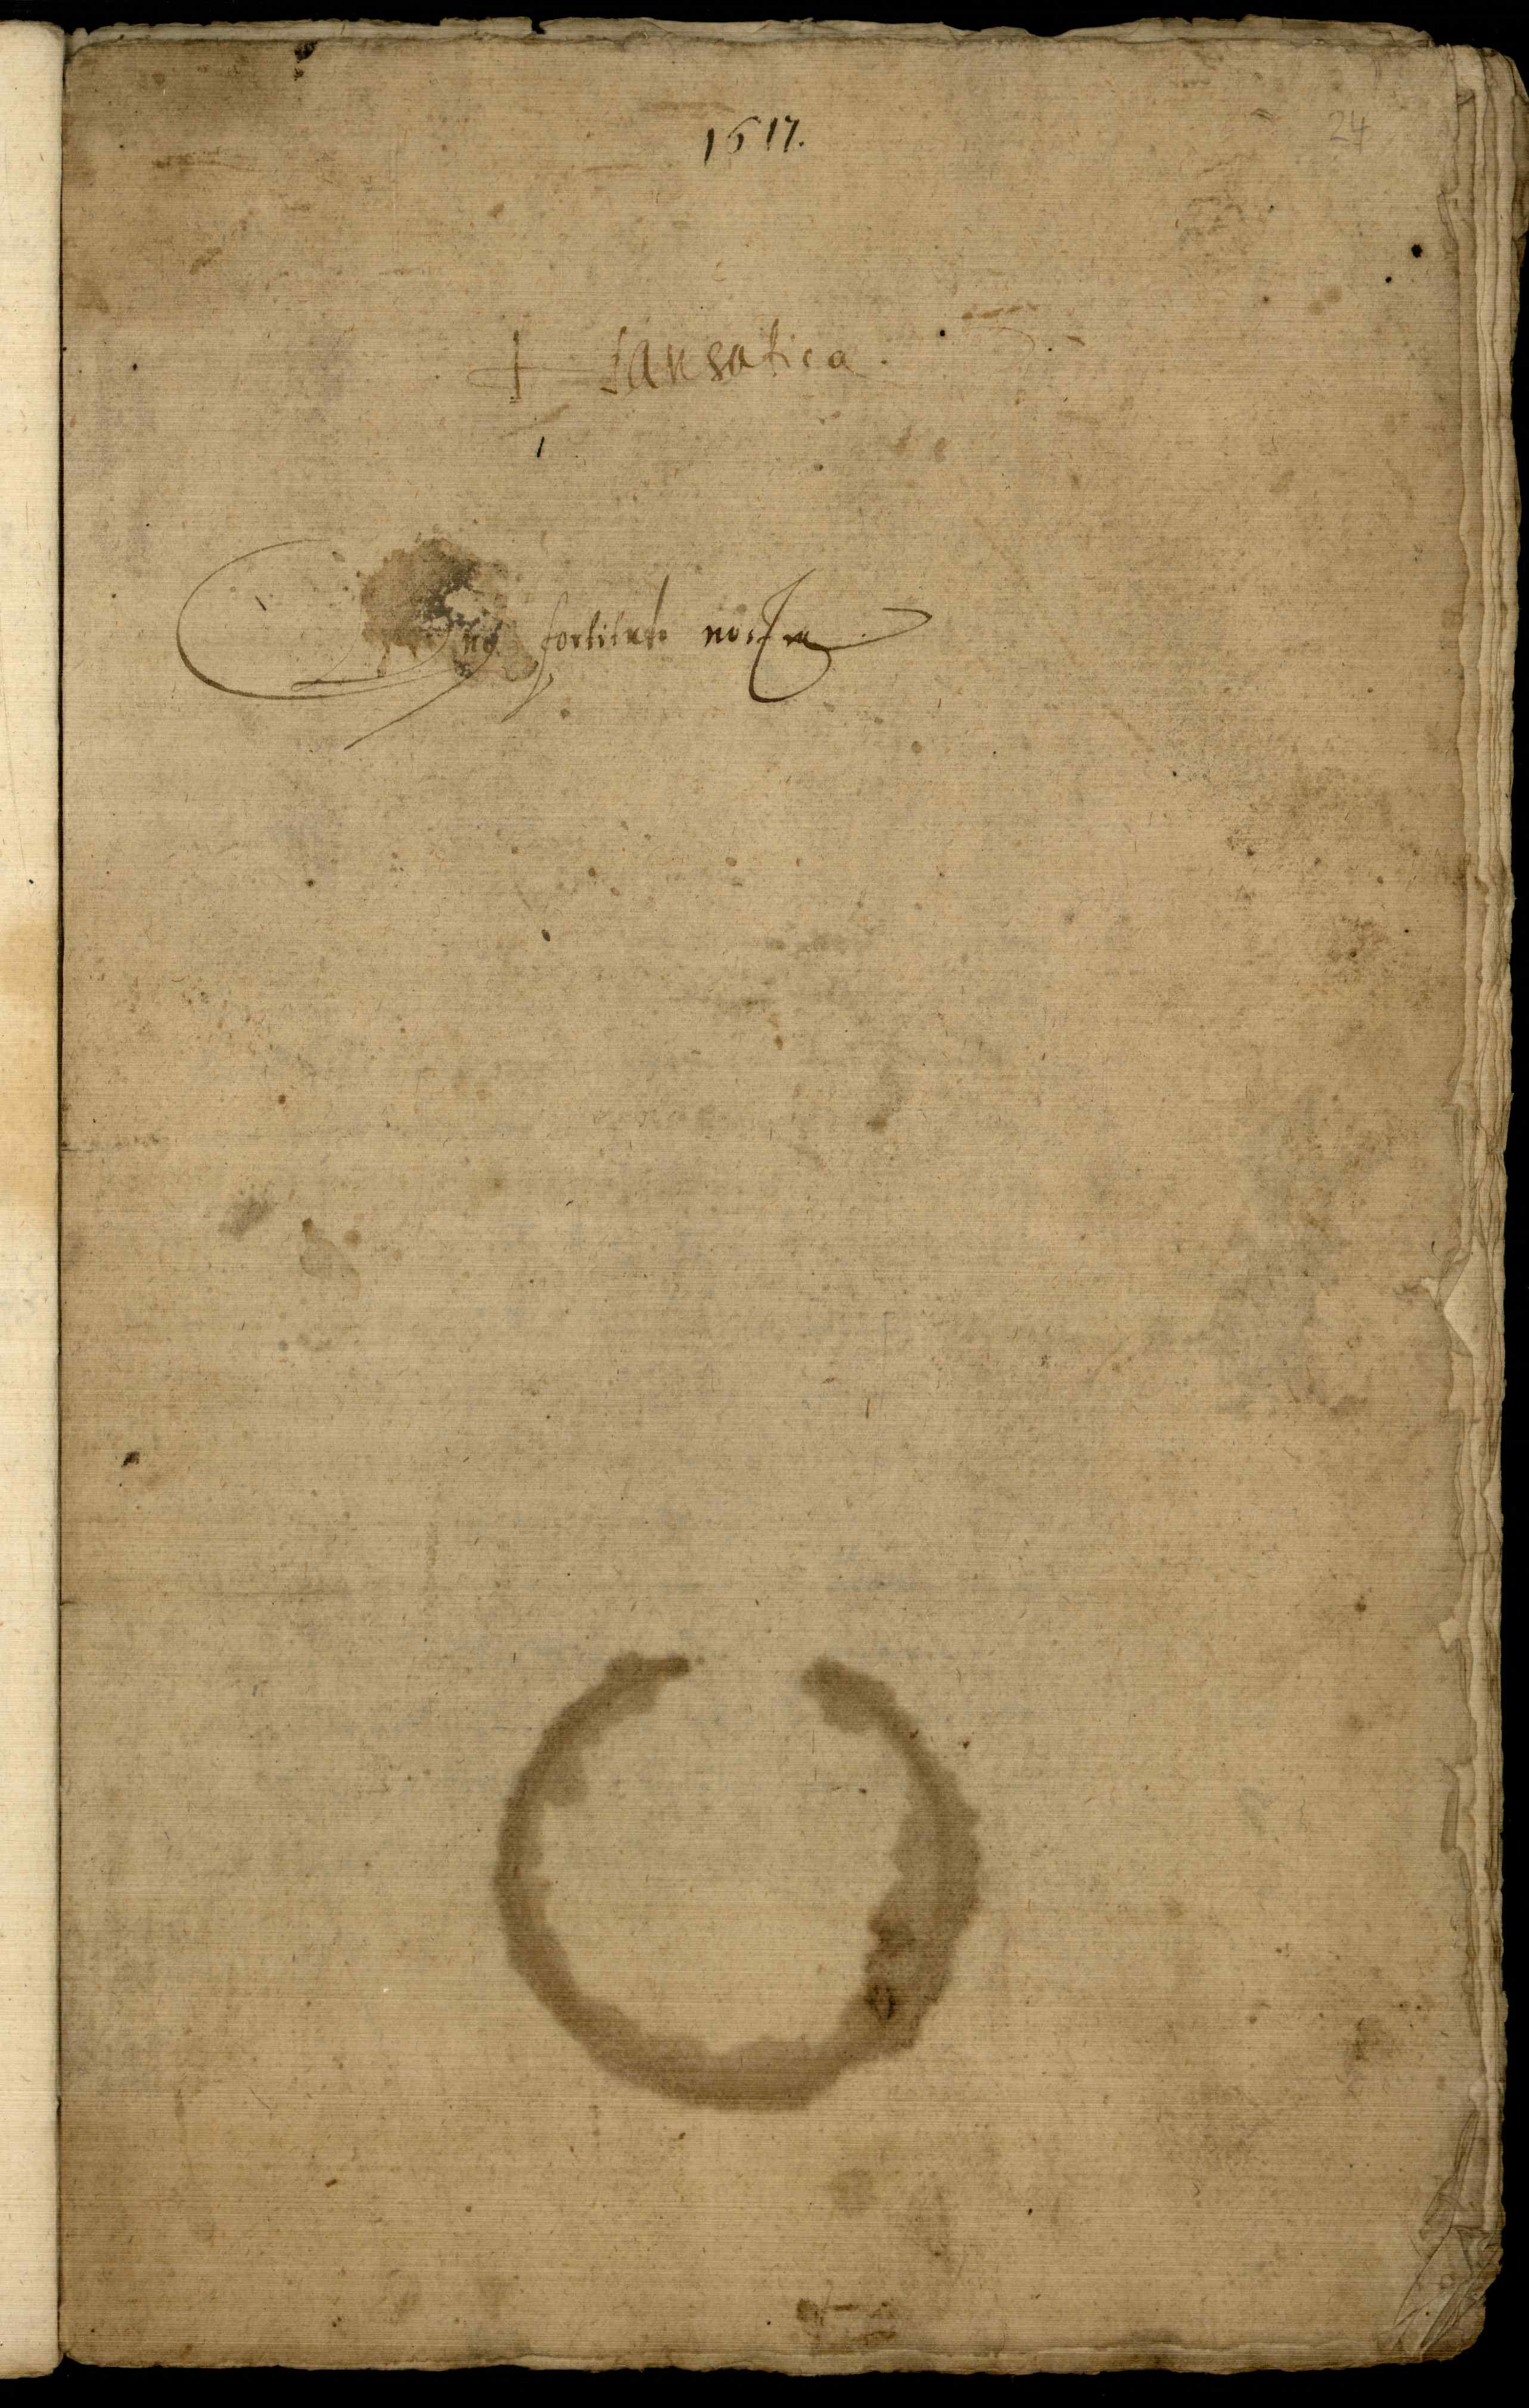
1617
Hansatica
Dnq fortituto nostra
